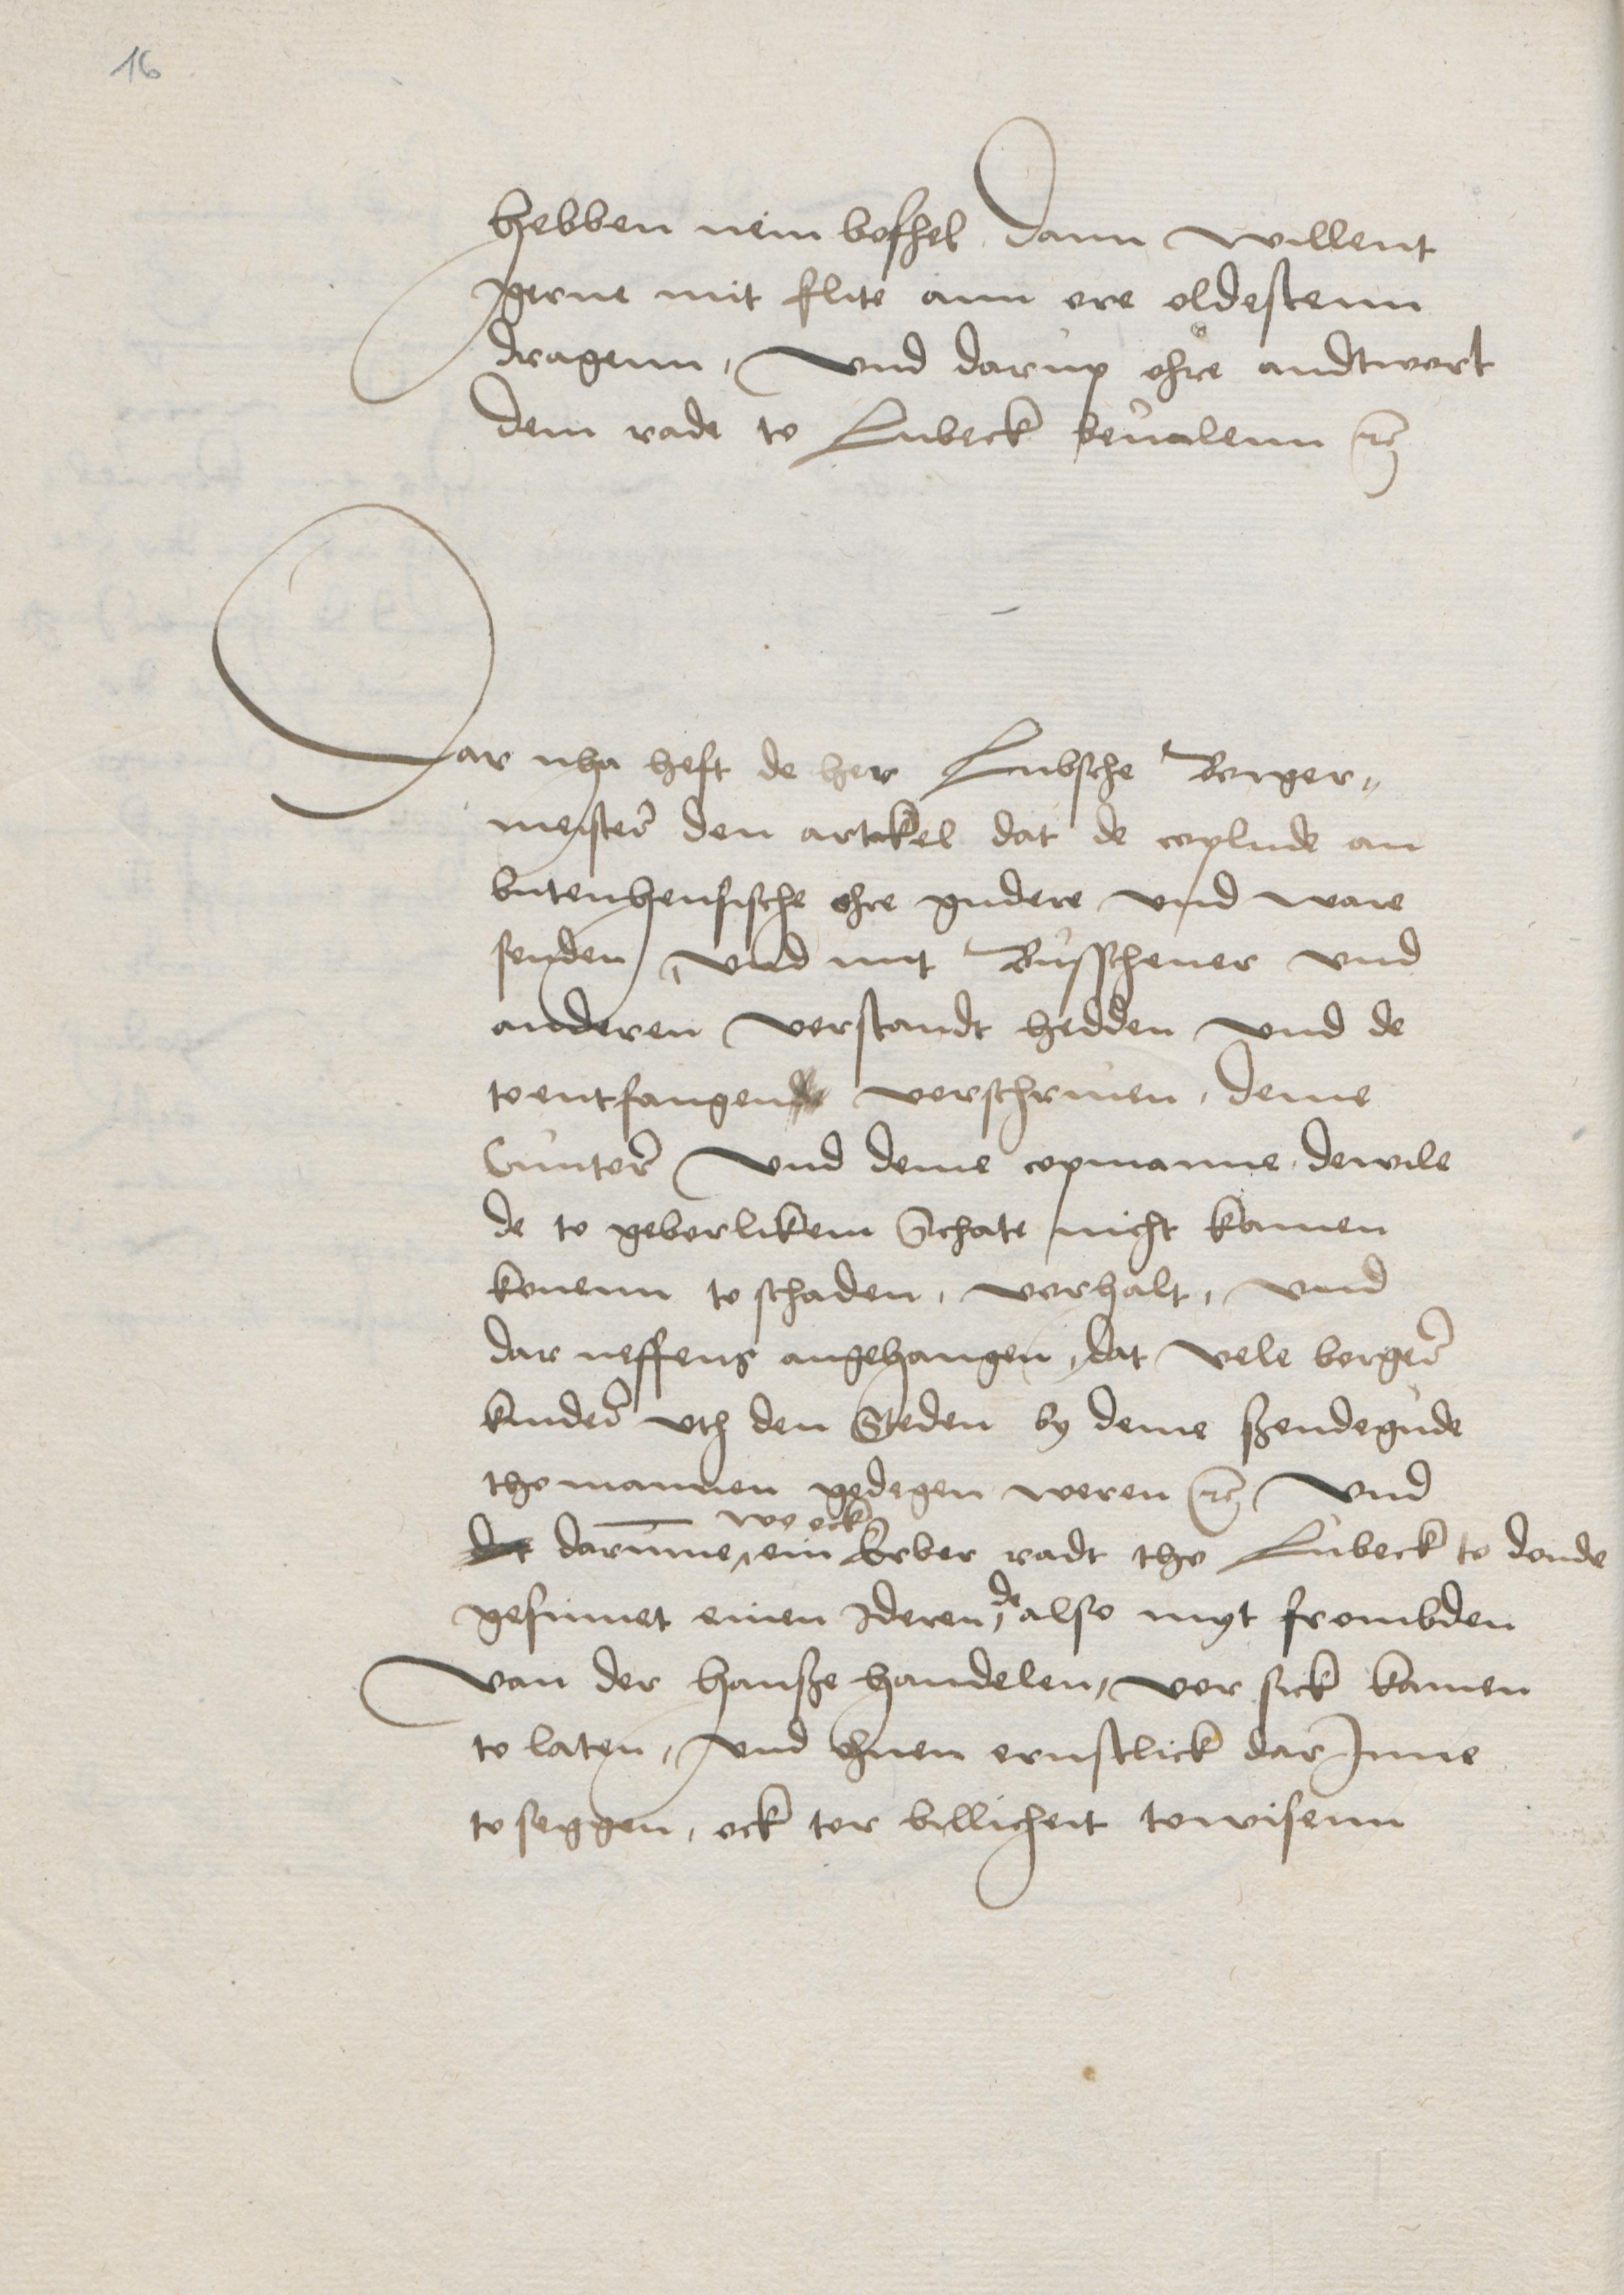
hebben nein befhel, dann willent
gerne mit flite ann ere eldestenn
dragenn, vnd darup ehre andtwort
dem rade to Lubeck beualenn etc
Dar nha heft de Her Lubsche Borger¬
meister den artikel dat de coplude an
butenhensische ehre gudere vnd ware
senden, vnd mit Busschener vnd
anderen verstandt hedden vnd de
toentfangende verschriuen, deme
Cuntor vnd deme copmanne, dewile
de to geberlikem Schate nicht kamen
konenn to schaden, vorhalt, vnd
dar neffens angehangen, dat vele borger
kinder vth den Steden by deme ßendegude
tho mannen gedegen weren etc vnd
wo ock
dat darumme ^ ein Erber radt tho Lubeck to donde
gesinnet einen jderen, de also myt frombden
van der hanße handelen, vor sick kamen
to laten, vnd ehnen ernstlick dar Jnne
to seggen, ock tor billicheit towisenn
